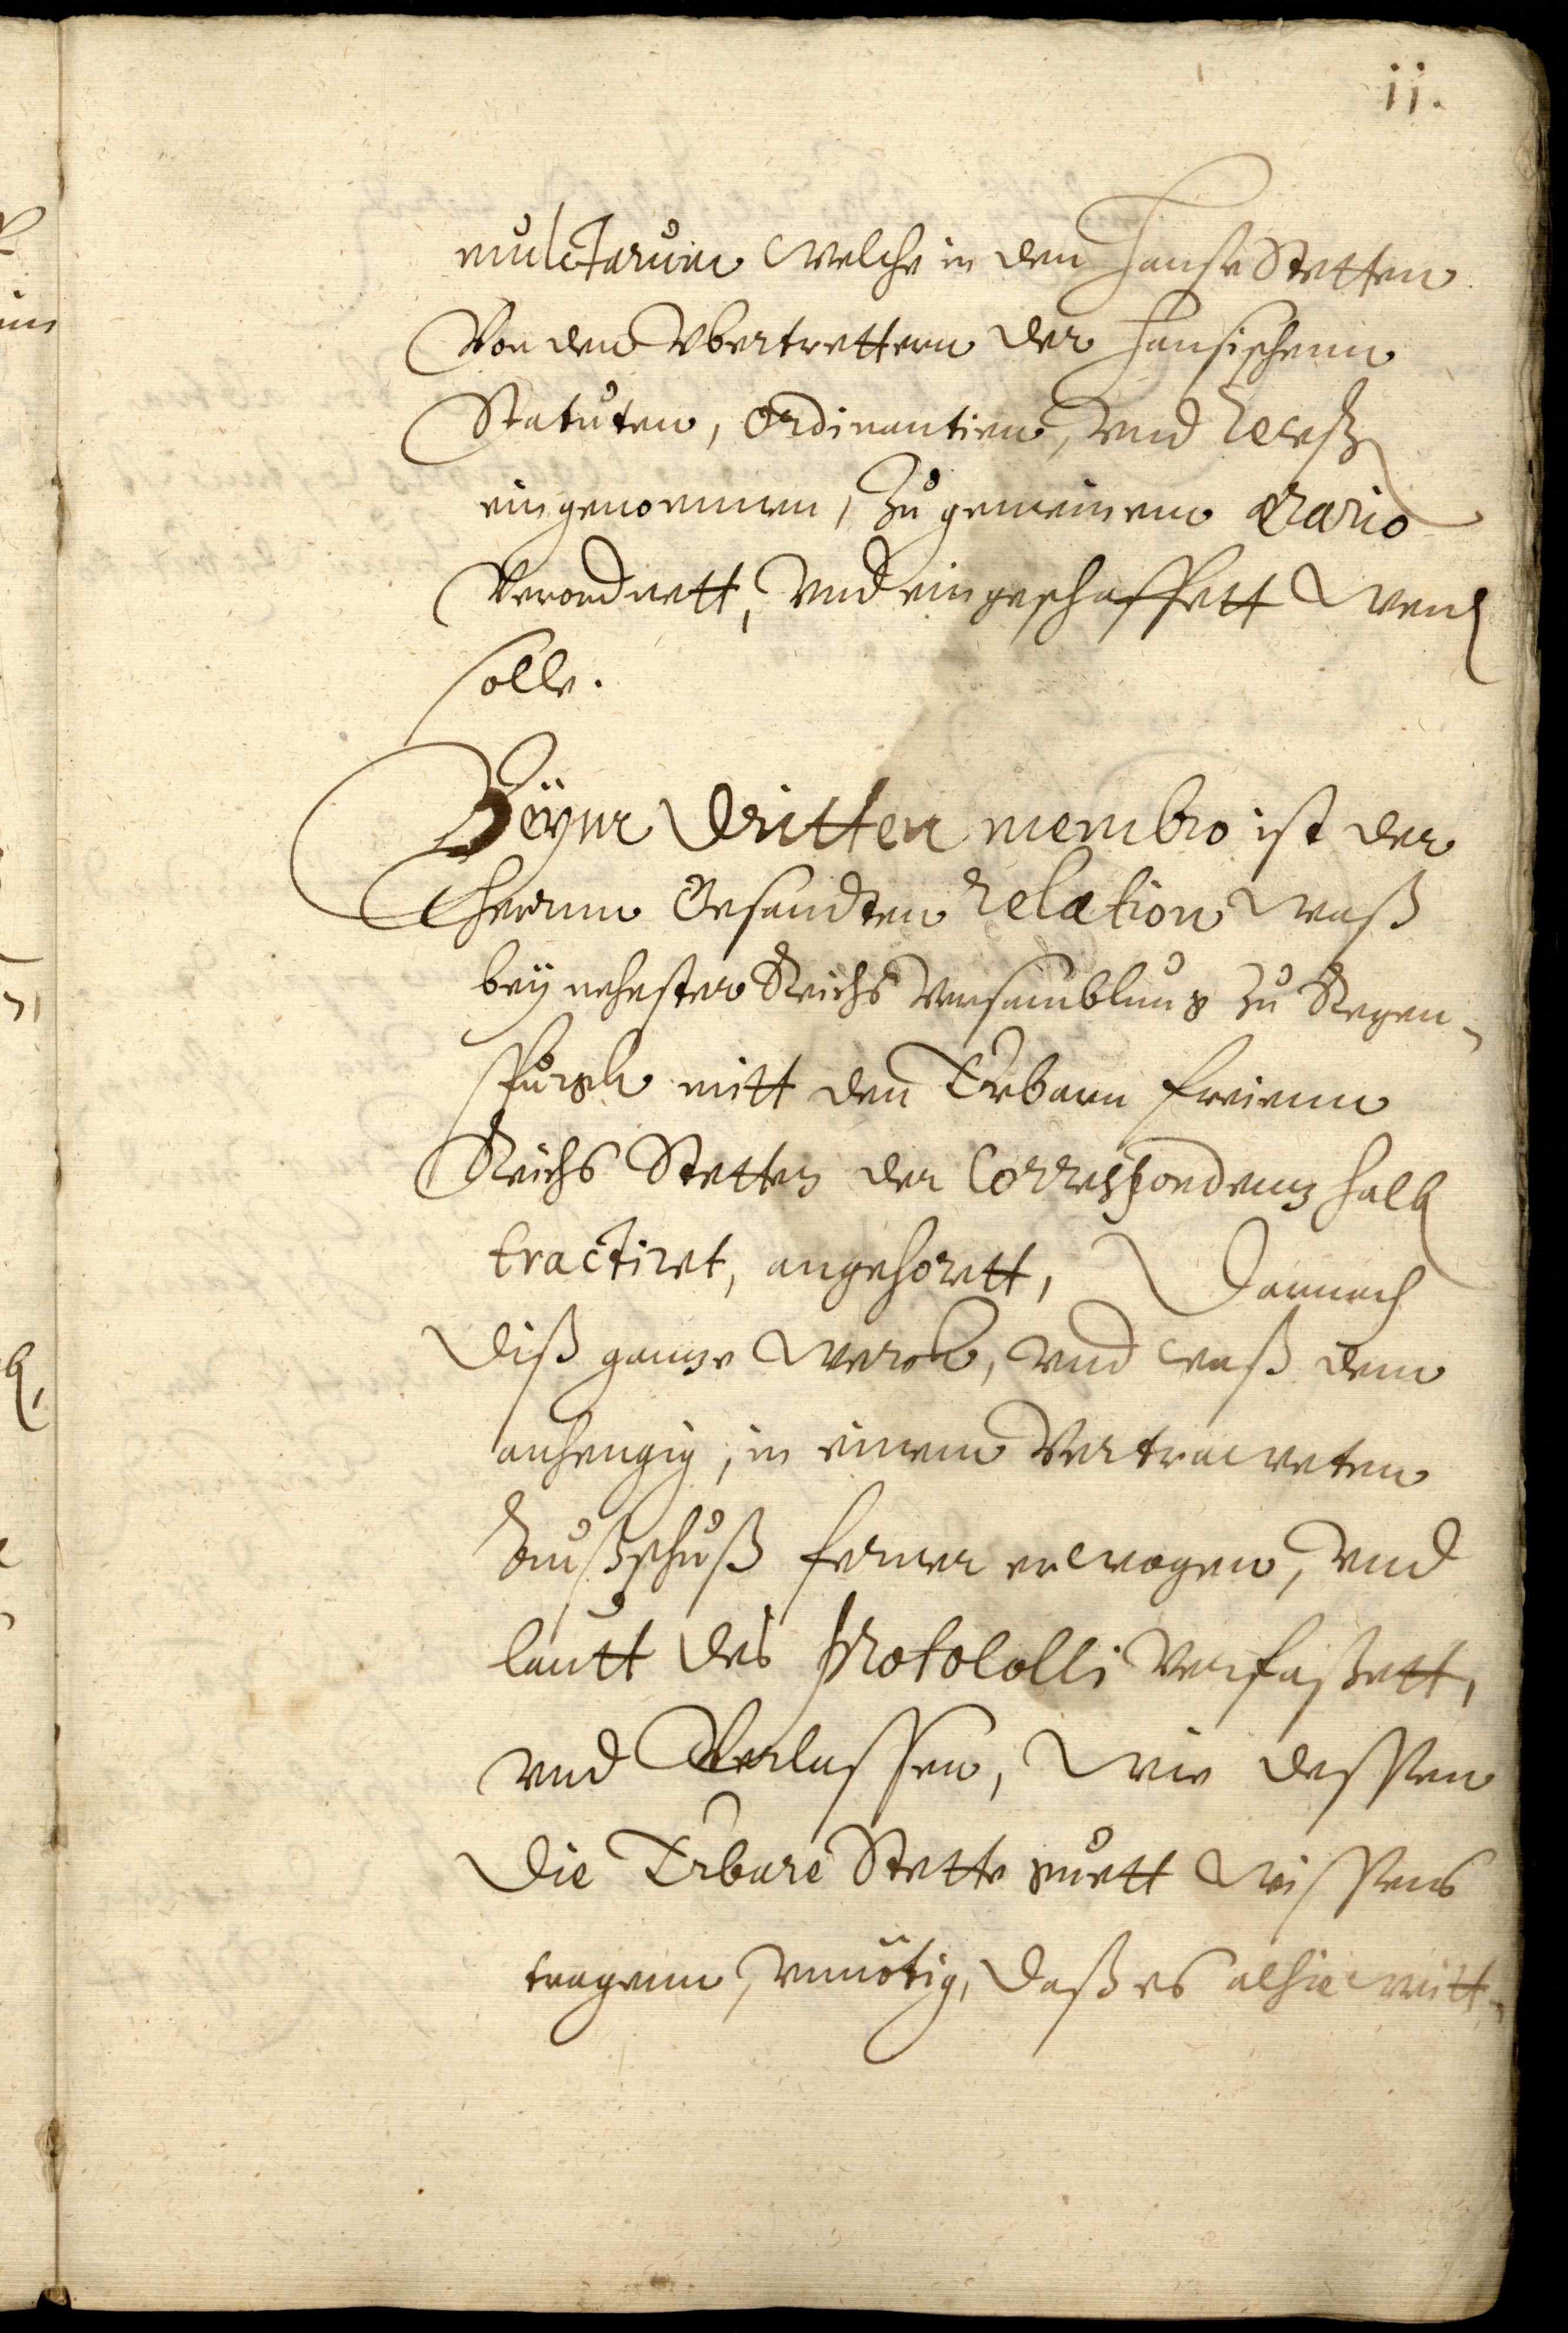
11.
muletarum welchs in den Hanse Stetten
von den Vbertrettenn der hansischenn
Statuten, ordinentirn, vnd Receßen
eingenommen, zu gemeinen aerario
Verordnett, vnd eingeschaffet werden
solle.
Beijm dritten membro ist der
herrnn Gesandten Relation waß
beij nehester Reichs Versamblung zu Regen¬
spurgh mitt den Erbarn freienn
Reichs Stetten den Correspondern halber
tractirt, angehorett, Demnach
diß gantze Werck, vnd waß dem
anhengig, in einem Vertraweten
Außschuß ferner erwogen, Vnd
lautt des Protocolli verfaßett,
vnd Verlassen, wie dessen
die Erbare Stette muett wissens
tragenn, vnnötig, daß es alhie weitt¬
